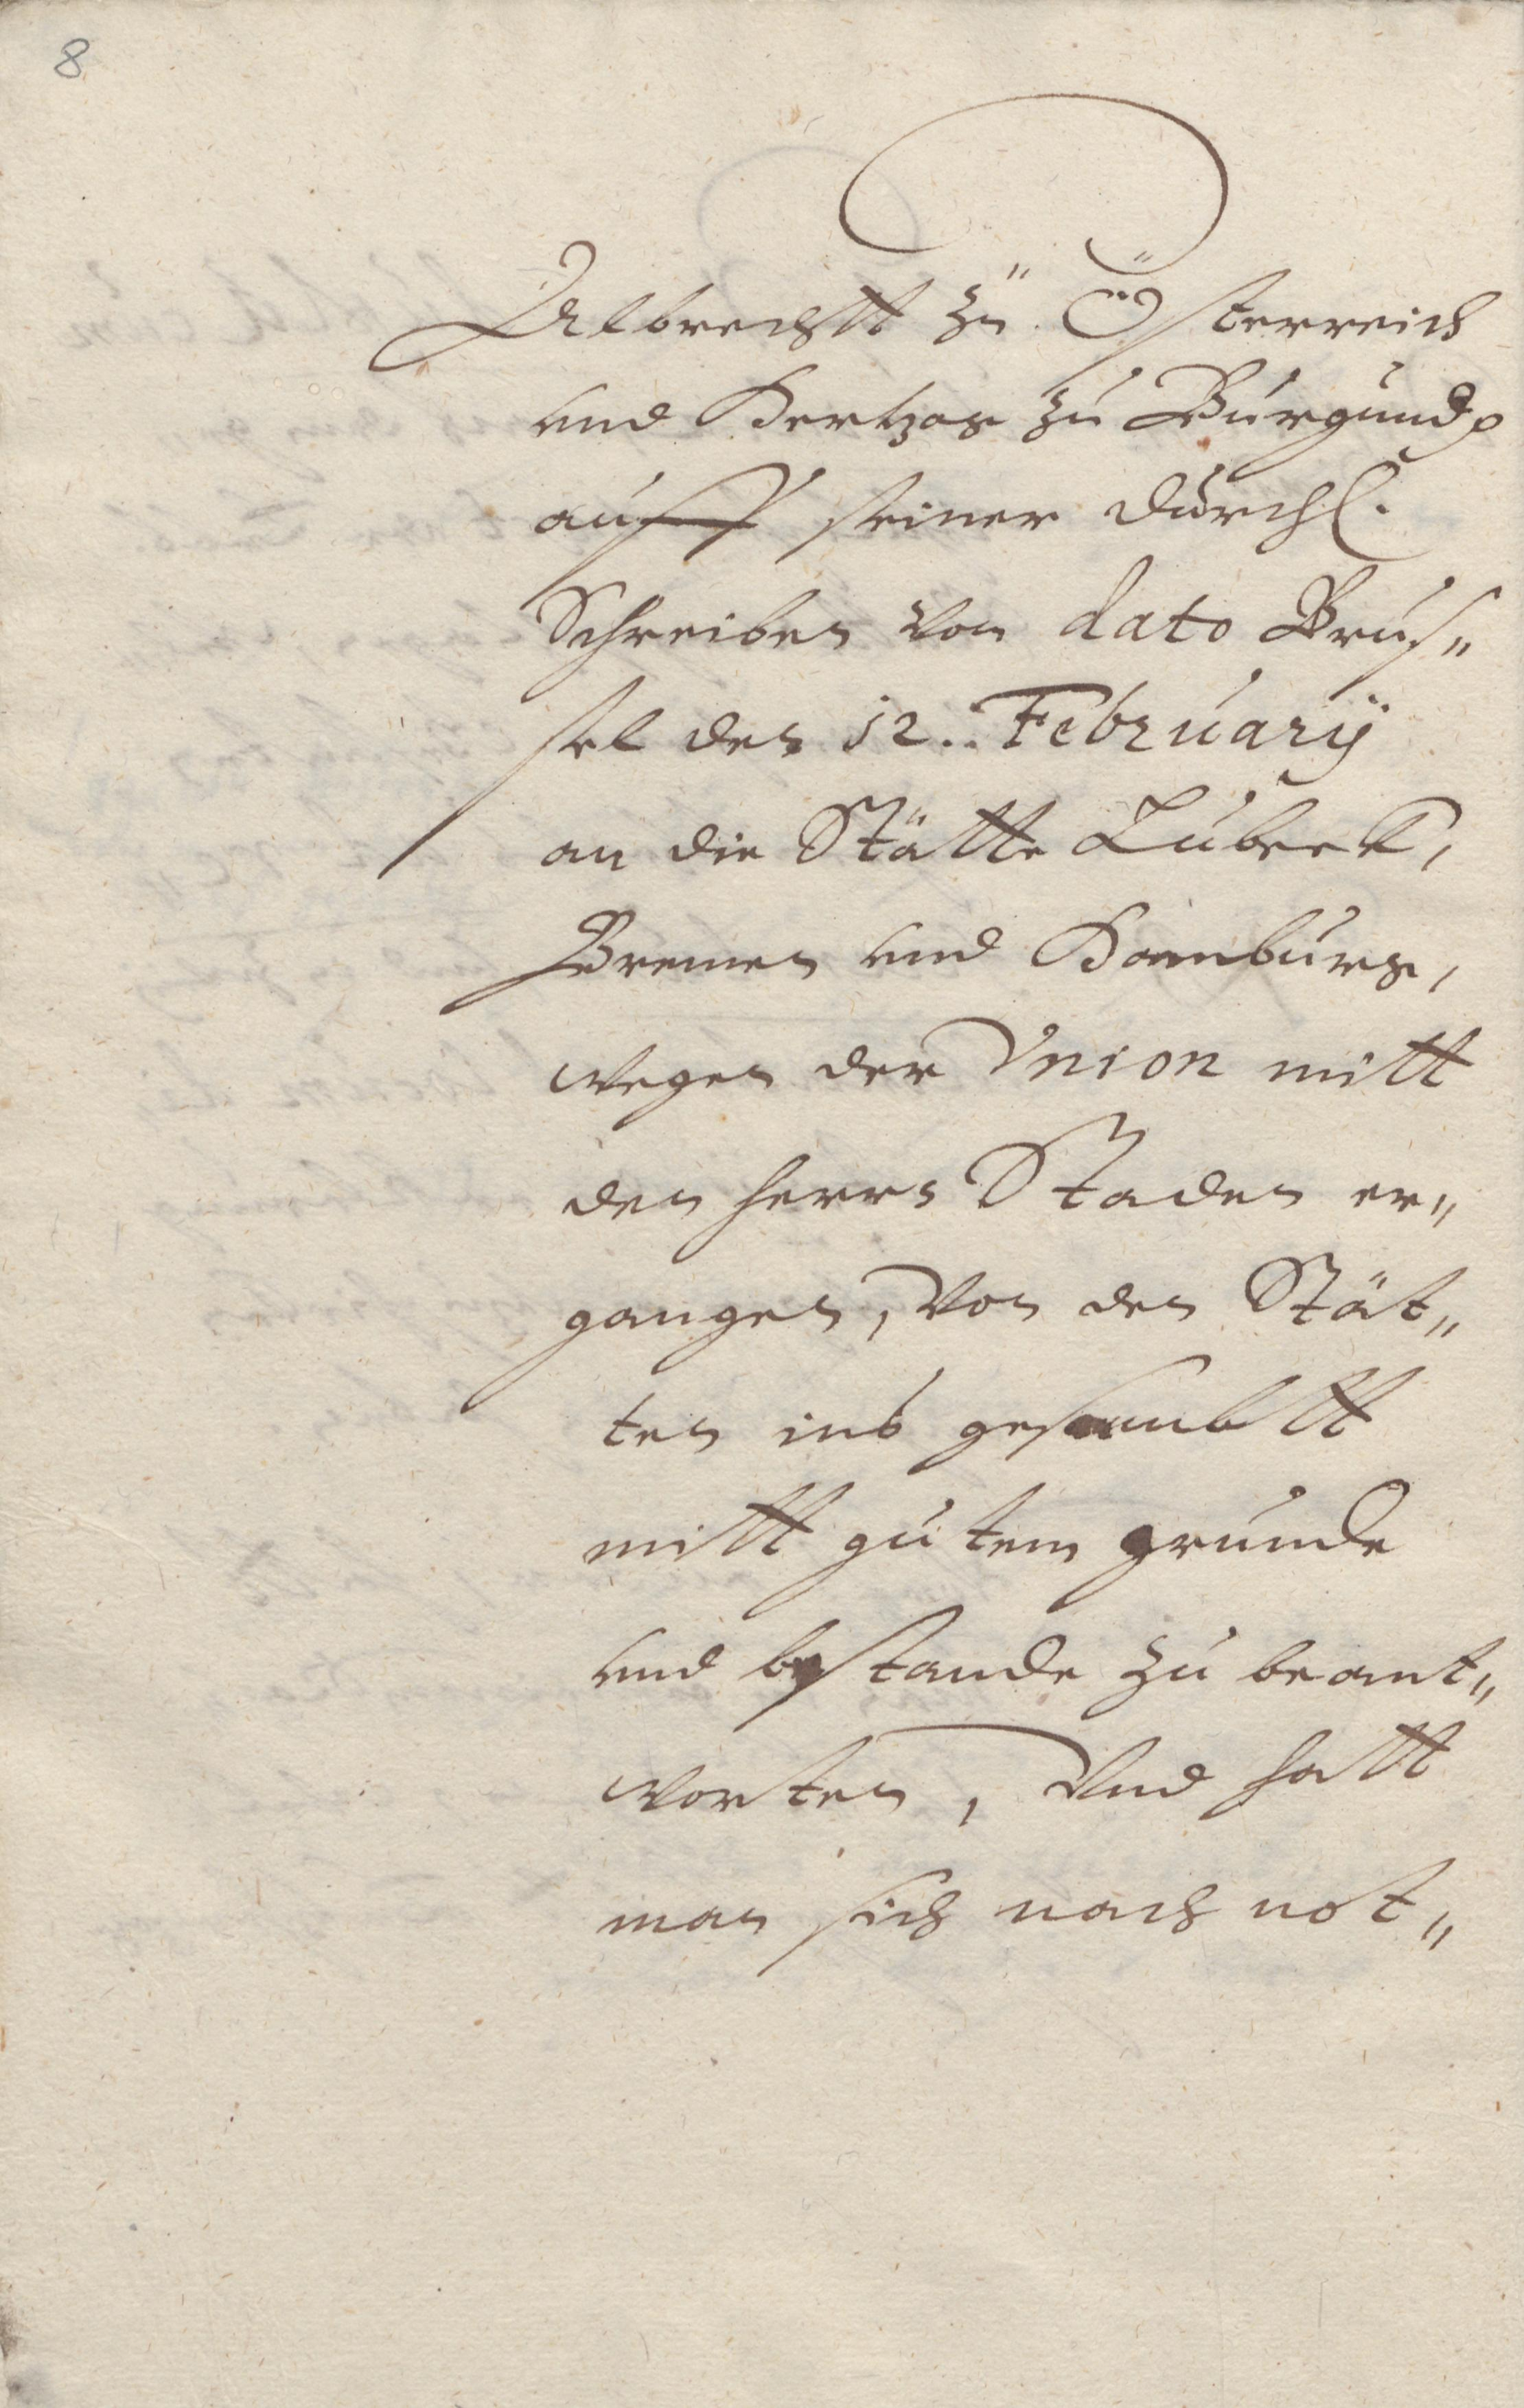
Albrecht zü Österreich
vnd Hertzog zu Burgund p
auff seiner durchl.
Schreiben von dato Brus¬
sel den 12. Februarij
an die Stätte Lubeck,
Bremen vnd Hamburg,
wegen der Vnion mitt
den herrn Staden er¬
gangen, von den Stät¬
ten ins gesambtt
mitt gutem grunde
vnd bestande zu beant¬
worten, Vnd hatt
man sich nach not¬
